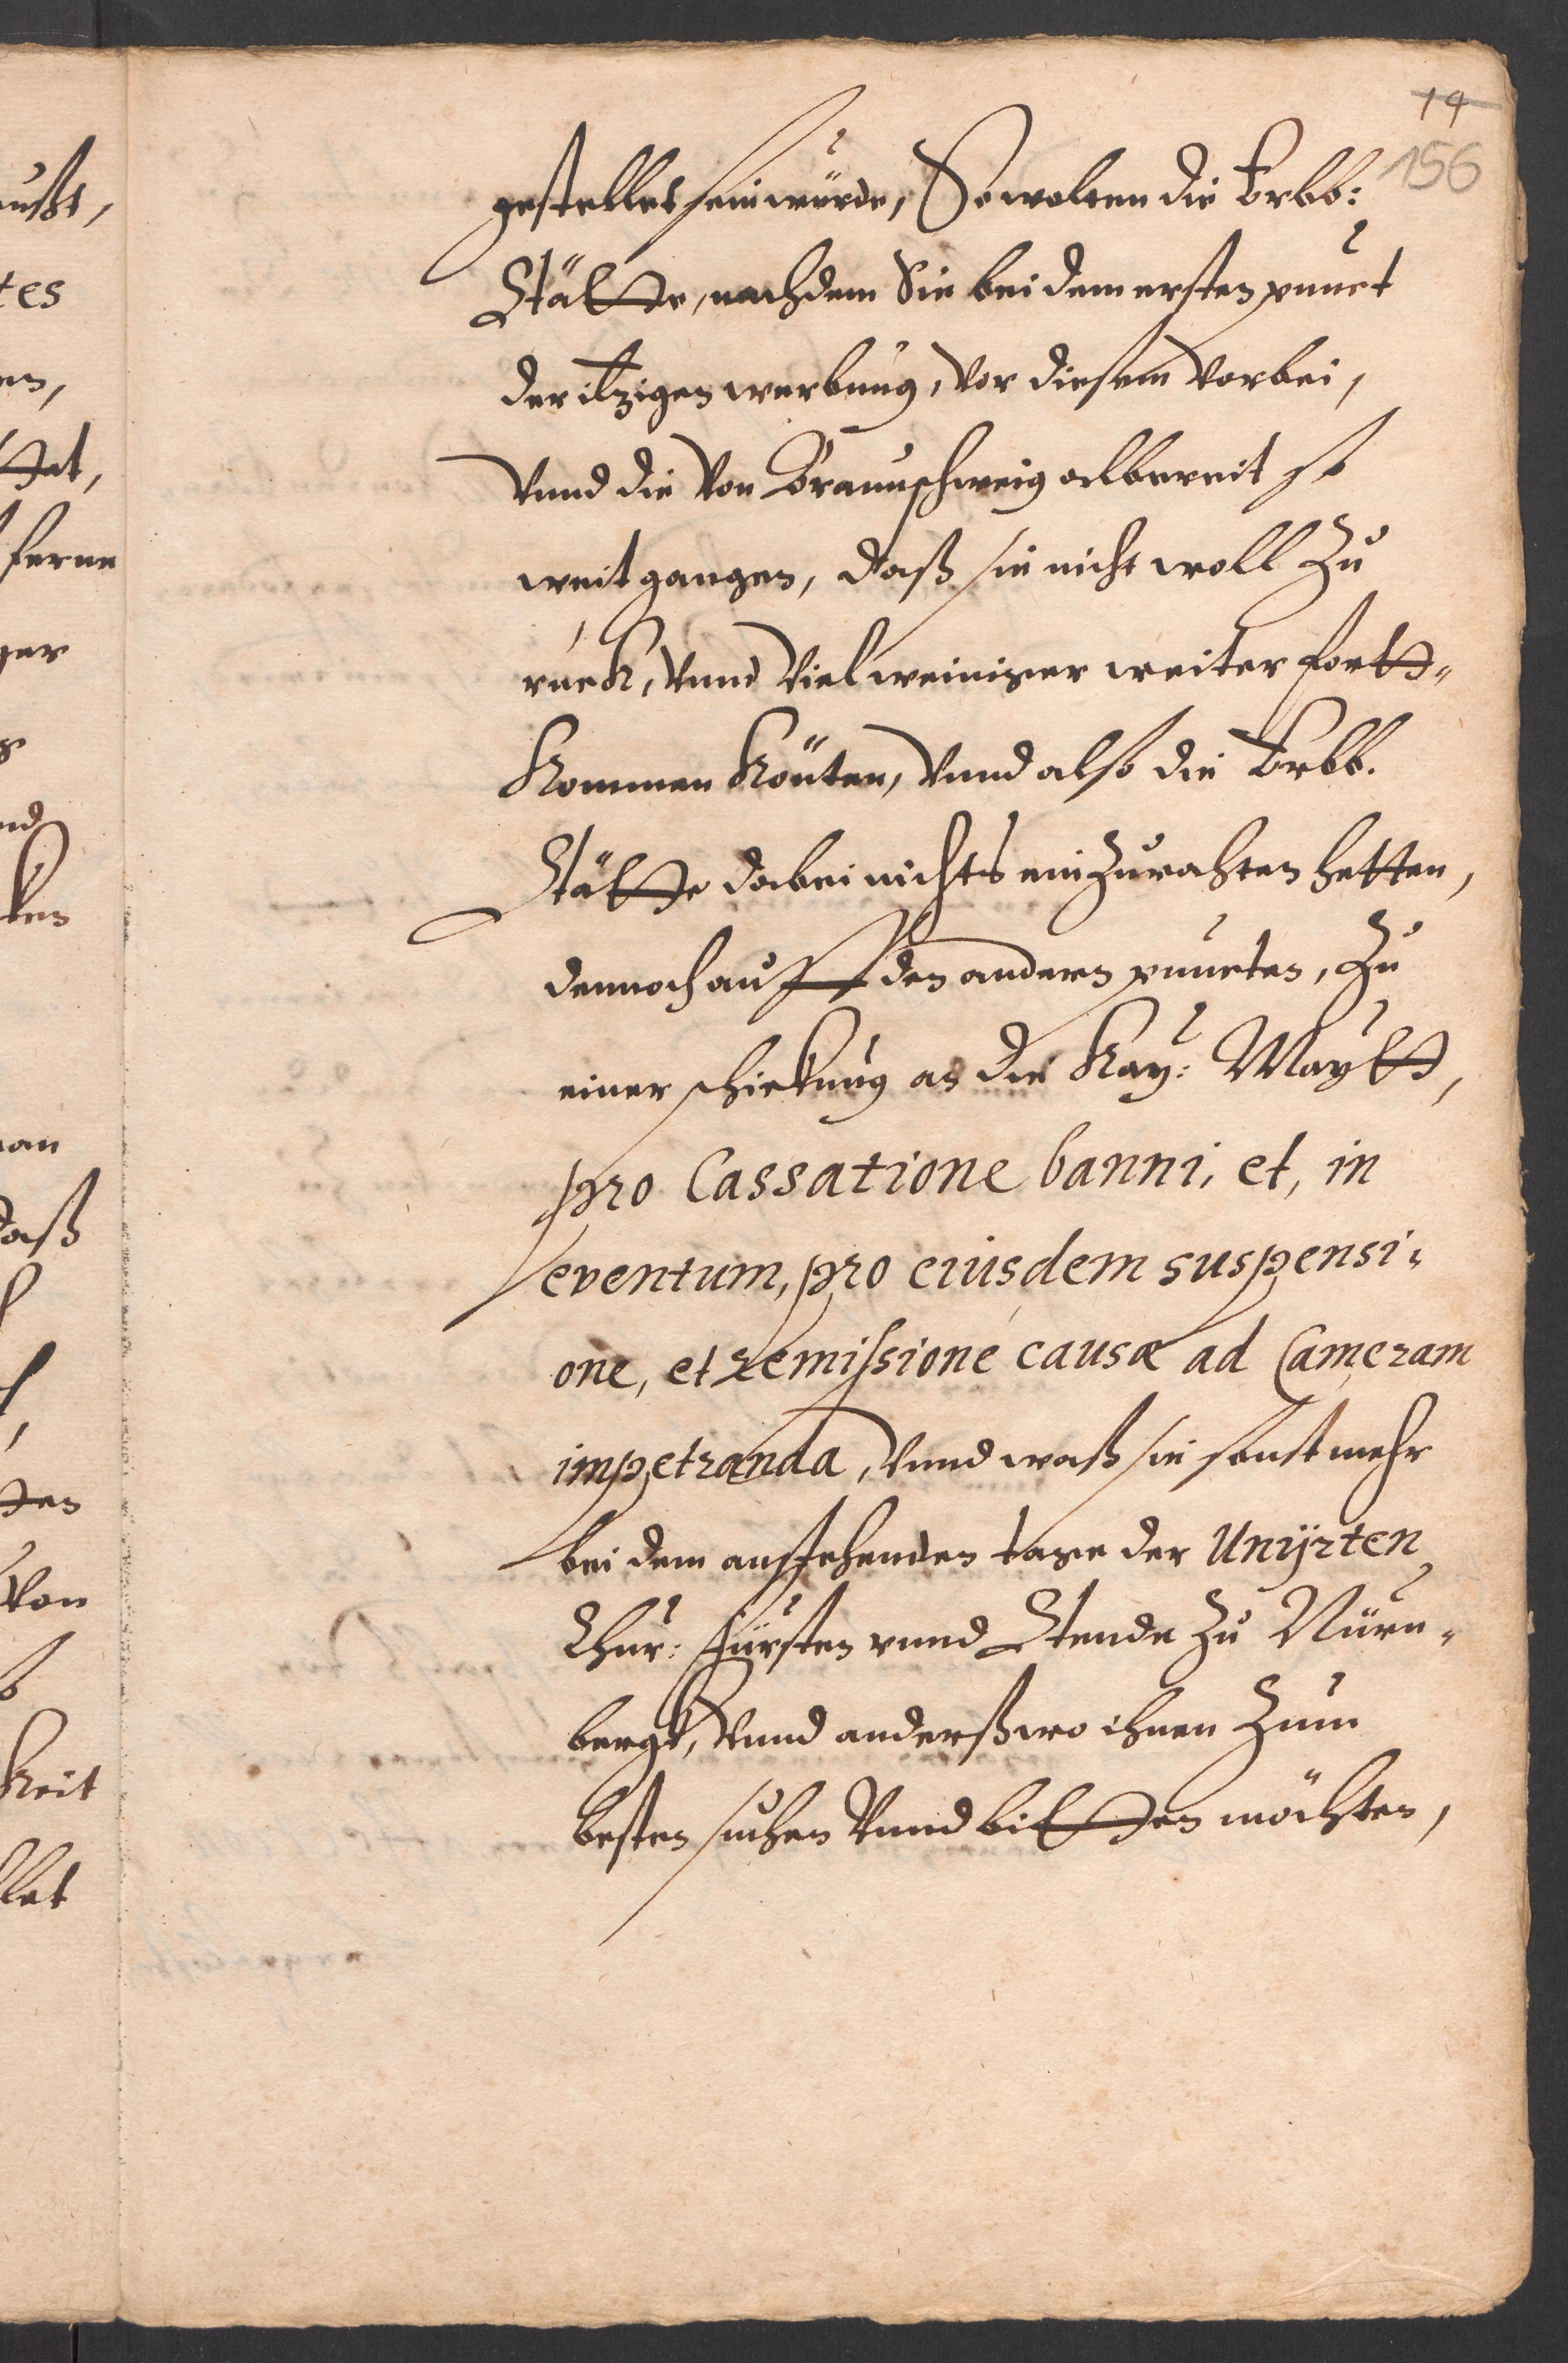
14
gestellet sein würde, So wolten die Erbb:
Stätte, nachdem Sie bei dem ersten punct
der itzigen werbung, vor diesem vorbei,
vnnd die von Braunschweig albereit so
weit gangen, daß sie nicht woll zu
ruck, vnd viel weiniger weiter fortt¬
kommen könten, vnnd also die Erbb.
Stätte dabei nichts einzurahten hetten,
dennoch auff den andern puncten, zu
einer schickung an die Kay: Maytt,
pro cassatione banni, et, in
eventum, pro eiusdem suspensi¬
one, et remissione causae ad Cameram
impetranda, vnnd waß sie sonst mehr
bei dem anstehenden tage der Unijrten
Chur: fürsten vnnd Stende zu Nürn¬
bergk, vnnd anderßwo ihnen zum
besten suchen vnnd bitten möchten,
